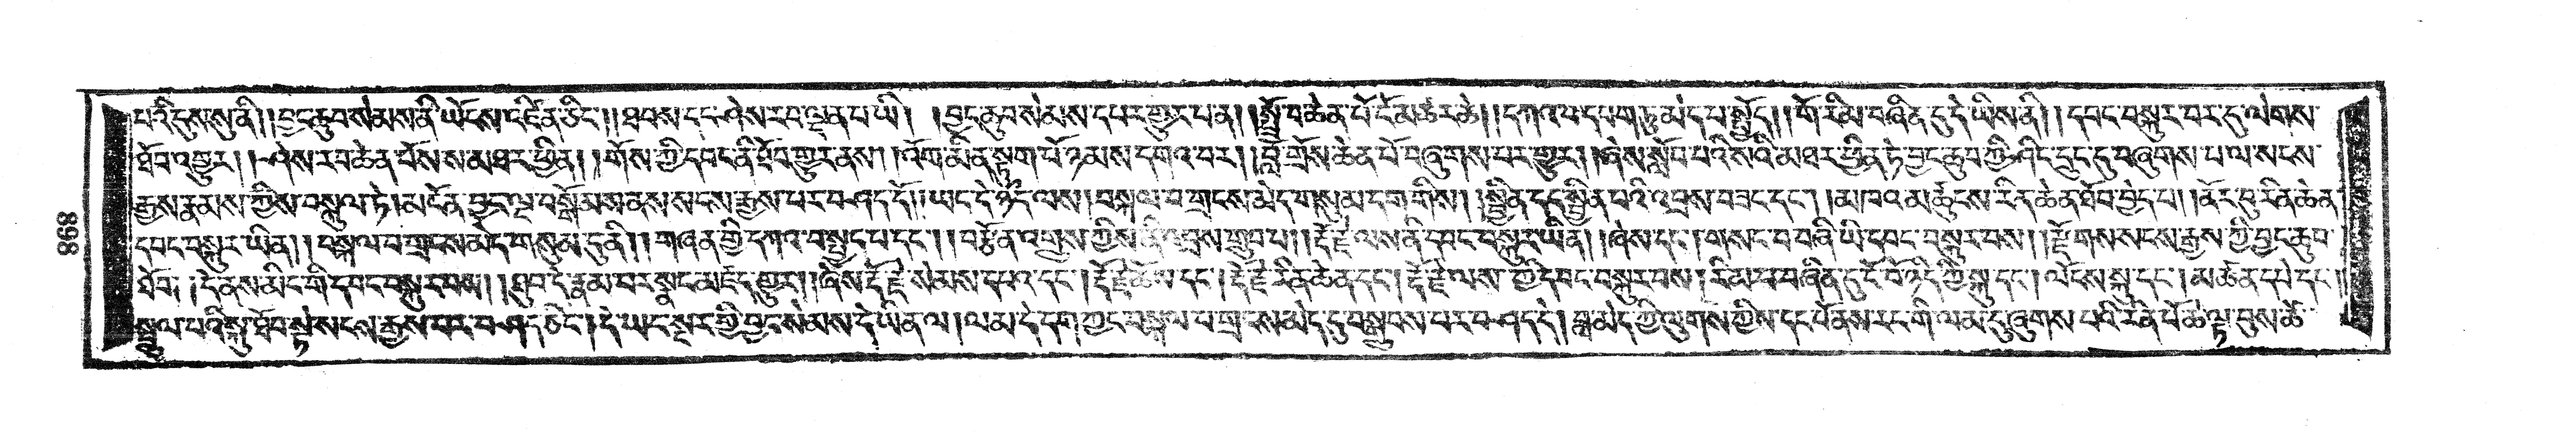པའི་དུས་སུ་ནི། །བྱང་ཆུབ་སེམས་ནི་ཡོངས་འཛིན་ཅིང་། །ཐབས་དང་ཤེས་རབ་ལྡན་པ་ཡི། །བྱང་ཆུབ་སེམས་དཔར་གྱུར་པ་ན། །སྤྲོ་བ་ཆེན་པོ་ངོ་མཚར་ཆེ། །དཀའ་བ་དཔག་ཏུ་མེད་པ་སྤྱད། །གོ་རིམ་བཞིན་དུ་དེ་ཡིས་ནི། །དབང་བསྐུར་བར་དུ་ལེགས་
ཐོབ་འགྱུར། །ཤེས་རབ་ཆེན་པོས་ས་མཐར་ཕྱིན། །གོས་ཀྱི་དབང་ནི་ཐོབ་གྱུར་ནས། །འོག་མིན་སྟུག་པོ་ཉམས་དགའ་བར། །བློ་གྲོས་ཆེན་པོ་བཞུགས་པར་གྱུར། །ཞེས་སློབ་པའི་སའི་མཐར་ཕྱིན་ཏེ་བྱང་ཆུབ་ཀྱི་ཤིང་དྲུང་དུ་བཞུགས་པ་ལ་སངས་
རྒྱས་རྣམས་ཀྱིས་བསྐུལ་ཏེ། མངོན་བྱང་ལྔ་བསྒོམས་ནས་སངས་རྒྱས་པར་བཤད་དོ། །ཡང་དེ་ཉིད་ལས། བསྐལ་བ་གྲངས་མེད་གསུམ་དག་གིས། །སྦྱིན་དང་སྦྱིན་པའི་འབྲས་བཟང་དང་། །མཁའ་མཚུངས་རིན་ཆེན་ཐོབ་བྱེད་པ། །ནོར་བུ་རིན་ཆེན་
དབང་བསྐུར་ཡིན། །བསྐལ་པ་གྲངས་མེད་གསུམ་དུ་ནི། །གཞན་གྱི་དཀའ་བ་སྤྱད་པ་དང་། །བརྩོན་འགྲུས་ཀྱིས་ནི་འབྲས་གྲུབ་པ། །རྡོ་རྗེ་ལས་ནི་དབང་བསྐུར་ཡིན། །ཞེས་དང་། གསང་བ་བཞི་ཡི་དབང་བསྐུར་བས། །རྫོགས་སངས་རྒྱས་ཀྱི་བྱང་ཆུབ་
ཐོབ། །དེ་ནས་མིང་གི་དབང་བསྐུར་བས། །ཐུབ་དེ་རྣམ་པར་སྣང་མཛད་གྱུར། །ཞེས་རྡོ་རྗེ་སེམས་དཔའ་དང་། རྡོ་རྗེ་ཆོས་དང་། རྡོ་རྗེ་རིན་ཆེན་དང་། རྡོ་རྗེ་ལས་ཀྱི་དབང་བསྐུར་བས། རིམ་པ་བཞིན་དུ་ངོ་བོ་ཉིད་ཀྱི་སྐུ་དང་། ལོངས་སྐུ་དང་། མཚན་དཔེ་དང་།
སྤྲུལ་པའི་སྐུ་ཐོབ་སྟེ་སངས་རྒྱས་པར་བཤད་ཅིང་། དེ་ཡང་སྔར་གྱི་བྱང་སེམས་དེ་ཡིན་ལ། ལམ་དེ་དག་ཀྱང་བསྐལ་པ་གྲངས་མེད་དུ་བསྒྲུབས་པར་བཤད་དེ། བླ་མེད་ཀྱི་ལུགས་ཀྱིས་དང་པོ་ནས་རང་གི་ལམ་དུ་ཞུགས་པའི་རིན་པོ་ཆེ་ལྟ་བུས་ཚེ་